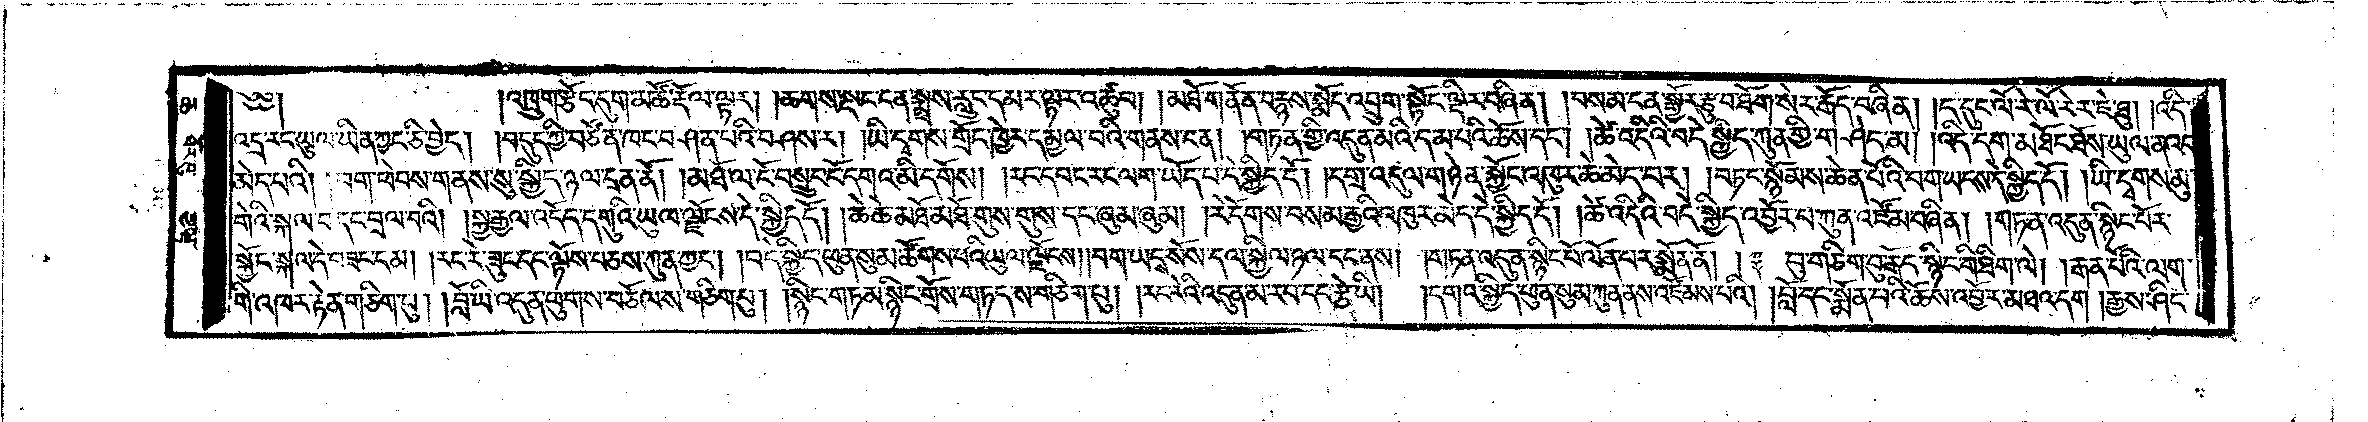༄༅། །འཁྲུག་རྩོང་དུག་མཚོ་རྡོལ་ལྟར། །ཆགས་སྡང་ངན་སྨྲས་རླུང་དམར་ལྟར་འཚུབ། །མཐོ་གནོན་བརྙས་སྨོད་འབྲུག་སྟོང་ལྡིར་བཞིན། །བསམ་ངན་སྒྱོར་རྩུབ་ཐོག་སེར་རྒོད་བཞིན། །ད་དུང་ལོ་རེ་ལོ་རེར་ཇེ་ཐུ། །འདི་
འདྲ་རང་ཡུལ་ཡིན་ཀྱང་ཅི་བྱེད། །བདུད་ཀྱི་བརྩོན་ཁང་བཤན་པའི་བཤས་ར། །ཡི་དྭགས་གྲོང་ཁྱེར་དམྱལ་བའི་གནས་ངན། །གཏན་གྱི་འདུན་མའི་དམ་པའི་ཆོས་དང་། །ཚེ་འདིའི་བདེ་སྐྱིད་ཀུན་གྱི་གཤེད་མ། །འདི་དག་མཐོང་ཐོས་ཡུལ་ནའང་
མེད་པའི། །པག་ཕེབས་གནས་སུ་སྐྱིད་ཉལ་དྲན་ནོ། །མཐོ་ལ་ངོ་བསྲུང་ངོ་དགའ་མི་དགོས། །རང་དབང་རང་ལག་ཡོད་པ་དེ་སྐྱིད་དོ། །དགྲ་འདུལ་གཉེན་སྐྱོང་འཁུར་ཆེ་མེད་བར། །བཏང་སྙོམས་ཆེན་པོའི་བག་ཡངས་དེ་སྐྱིད་དོ། །ཡི་དྭགས་མུ་
གེའི་སྐལ་བ་དང་བྲལ་བའི། །སྐྱ་རྒྱལ་འདོད་དགུའི་ཡུལ་ལྗོངས་དེ་སྐྱིད་དོ། །ཆེ་ཆེ་མཐོ་མཐོ་གུས་གུས་དང་ཞུམ་ཞུམ། །རེ་དོགས་བསམ་རྒྱའི་འཁུར་མེད་དེ་སྐྱིད་དོ། །ཚེ་འདིའི་བདེ་སྐྱིད་འབྱོར་པ་ཀུན་འཛོམ་བཞིན། །གཏན་འདུན་སྙིང་པོར་
སྐྱོང་སྐལ་དེ་བཟང་ངམ། །རང་རེ་ཟུང་དང་ལྟོས་བཅས་ཀུན་ཀྱང་། །བདེ་སྐྱིད་ཕུན་སུམ་ཚོགས་པའི་ཡུལ་ལྗོངས། །བག་ཡངས་སོས་དལ་སྐྱིལ་ཉལ་དང་ནས། །གཏན་འདུན་སྙིང་པོ་ལོན་པར་སྨོན་ནོ། །༈ བུ་གཅིག་བུ་རྒོད་སྙིང་གི་ཐིག་ལེ། །རྒན་པོའི་ལག་
གི་འཁར་རྟེན་གཅིག་པུ། །བློ་ཡི་འདུན་ཕུགས་བཅོ་ལས་གཅིག་པུ། །སྙིང་གཏམ་སྙིང་གྲོས་གཏད་ས་གཅིག་པུ། །རང་རེའི་འདུན་མ་རབ་དང་རྩེ་ཡི། །དགའ་སྐྱིད་ཕུན་སུམ་ཀུན་ནས་འཇོམས་པའི། །བློ་དང་སྨོན་པའི་ཆོས་འབྱོར་མཐའ་དག །རྒྱས་ཤིང་